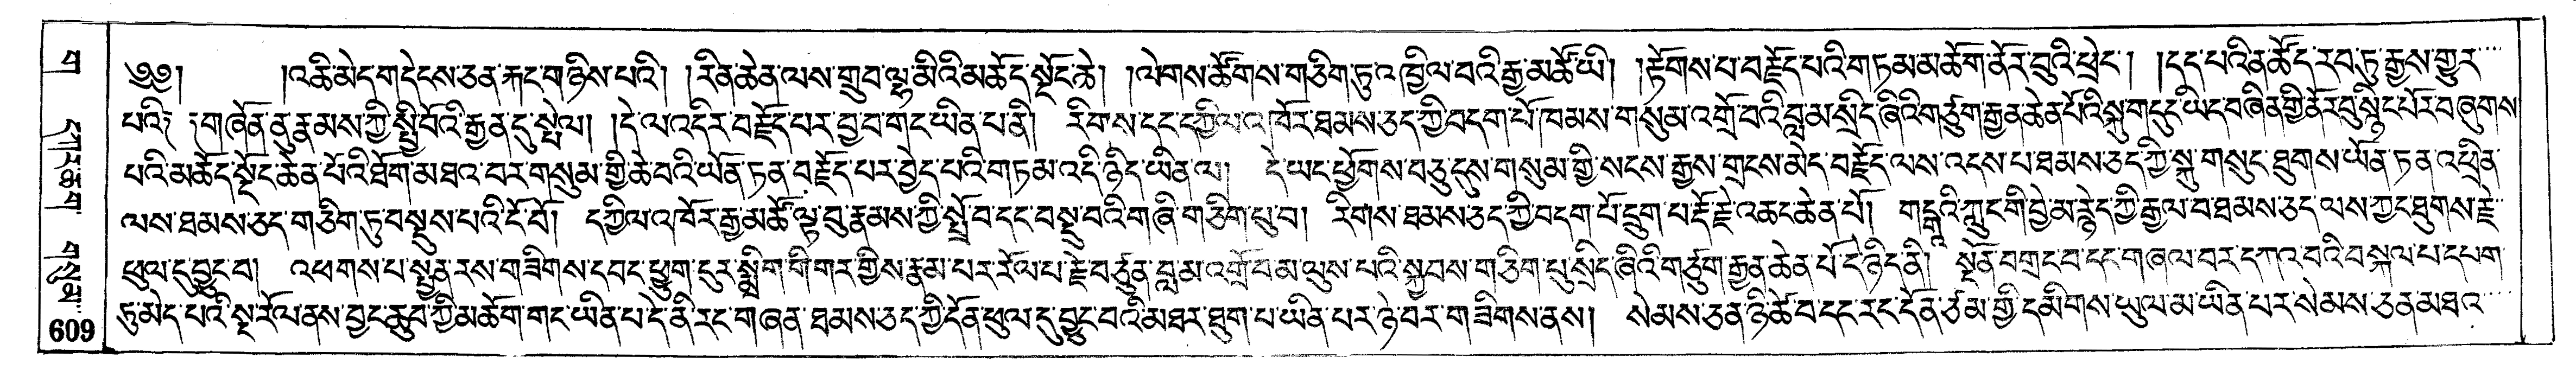༄༅། །འཆི་མེད་གདེངས་ཅན་རྐང་གཉིས་པའི། །རིན་ཆེན་ལས་གྲུབ་ལྷ་མིའི་མཆོད་སྡོང་ཆེ། །ལེགས་ཚོགས་གཅིག་ཏུ་འཁྱིལ་བའི་རྒྱ་མཚོ་ཡི། །རྟོགས་བ་བརྗོད་པའི་གཏམ་མཆོག་ནོར་བུའི་ཕྲེང་། །དད་པའི་ན་ཚོང་རབ་ཏུ་རྒྱས་གྱུར་
པའི༑ ༑གཞོན་ནུ་རྣམས་ཀྱི་སྤྱི་བོའི་རྒྱན་དུ་སྤེལ། །དེ་ལ་འདིར་བརྗོད་པར་བྱ་བ་གང་ཡིན་པ་ནི། རིགས་དང་དཀྱིལ་འཁོར་ཐམས་ཅད་ཀྱི་བདག་པོ་ཁམས་གསུམ་འགྲོ་བའི་བླ་མ་སྲིད་ཞིའི་གཙུག་རྒྱན་ཆེན་པོའི་སྐུ་གདུང་ཡིད་བཞིན་གྱི་ནོར་བུ་སྙིང་པོར་བཞུགས་
པའི་མཆོད་སྡོང་ཆེན་པོའི་ཐོག་མཐའ་བར་གསུམ་གྱི་ཆེ་པའི་ཡོན་ཏན་བརྗོད་པར་བྱེད་པའི་གཏམ་འདི་ཉིད་ཡིན་ལ། དེ་ཡང་ཕྱོགས་བཅུ་དུས་གསུམ་གྱི་སངས་རྒྱས་གྲངས་མེད་བརྗོད་ལས་འདས་པ་ཐམས་ཅད་ཀྱི་སྐུ་གསུང་ཐུགས་ཡོན་ཏན་འཕྲིན་
ལས་ཐམས་ཅད་གཅིག་ཏུ་བསྡུས་པའི་ངོ་བོ། དཀྱིལ་འཁོར་རྒྱ་མཚོ་ལྟ་བུ་རྣམས་ཀྱི་སྤྲོ་བ་དང་བསྡུ་བའི་གཞི་གཅིག་བུ་པ། རིགས་ཐམས་ཅད་ཀྱི་བདག་བོ་དྲུག་བ་རྡོ་རྗེ་འཆང་ཆེན་པོ། གངྒཱའི་ཀླུང་གི་བྱེ་མ་རྙེད་ཀྱི་རྒྱལ་བ་ཐམས་ཅད་ལས་ཀྱང་ཐུགས་རྗེ་
ཕུལ་དུ་བྱུང་བ། འཕགས་བ་སྤྱན་རས་གཟིགས་དབང་ཕྱུག་ངུར་སྨྲིག་གི་གར་གྱིས་རྣམ་པར་རོལ་བ་རྗེ་བཙུན་བླ་མ་འགྲོ་བ་མ་ལུས་པའི་སྐྱབས་གཅིག་པུ་སྲིད་ཞིའི་གཙུག་རྒྱན་ཆེན་པོ་དེ་ཉིར་ནི། སྔོན་བགྲང་བ་དང་གཞལ་བར་དཀའ་བའི་བསྐལ་པ་དཔག་
ཏུ་མེད་པའི་སྔ་རོལ་ནས་བྱང་ཆུབ་ཀྱི་མཆོག་གང་ཡིན་པ་དེ་ནི་རང་གི་གཞན་ཐམས་ཅད་ཀྱི་དོན་ཕུལ་དུ་བྱུང་པའི་མཐར་ཐུག་པ་ཡིན་པར་ཉེ་བར་གཟིགས་ནས། སེམས་ཅན་ཉི་ཚེ་བ་དང་རང་དོན་ཙམ་གྱི་དམིགས་ཡུལ་མ་ཡིན་པར་སེམས་ཅན་མཐའ་